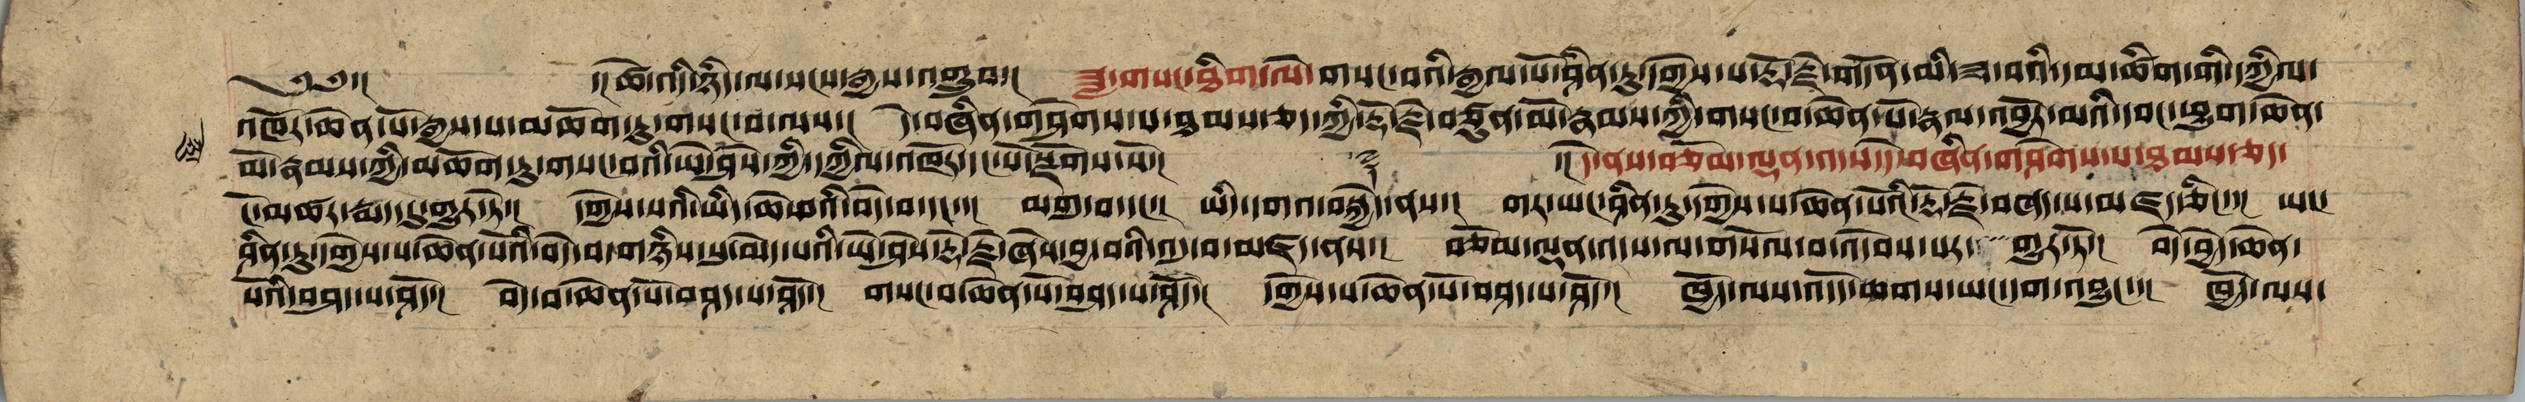༄༅་། ་།ཚེ་འདི་ཉིད་ལ་སངས་རྒྱས་འགྲུབ་། ཟླ་གསང་ཐིག་ལེ་གསང་བའི་རྒྱལ་པོ་ཤིན་ཏུ་དགྱེས་པ་རྡོ་རྗེ་གདོན་མི་ཟ་བའི་དམ་ཚིག་གི་དཀྱིལ་
འཁོར་ཆེན་པོ་རྒྱས་པ་མཆོག་ཏུ་གསང་བ་ལས་། དེ་བཞིན་གཤེགས་པ་ཐམས་ཅད་ཀྱི་རྡོ་རྗེ་བཙུན་མོ་རྣམས་ཀྱི་གསང་བ་ཆེན་པོ་རྣལ་འབྱོར་མའི་དབང་ཕྱུག་ཆེན་
མོ་རྣམས་ཀྱི་མཆོག་ཏུ་གསང་བའི་ཡེ་ཤེས་ཀྱི་དཀྱིལ་འཁོར་དང་པོ་སྫོགས་སོ་། ࿑ ་།དེ་ནས་བཅོམ་ལྡན་འདས་དེ་བཞིན་གཤེགས་པ་ཐམས་ཅད་
ངོ་མཚར་རྨད་དུ་གྱུར་ཏེ་། དགྱེས་པའི་ཡིད་ཆེ་བའི་བདེ་བ་དང་་། མགུ་བ་དང་། ཡིད་དགའ་བསྐྱེད་ནས་། གར་ཡང་ཤིན་ཏུ་དགྱེས་པ་ཆེན་པོའི་རྡོ་རྗེ་བཞད་པ་མཛད་ཅིང་་། ཡང་
ཤིན་ཏུ་དགྱེས་པ་ཆེན་པོའི་བདེ་བ་གཉིས་སུ་མེད་པའི་ཡེ་ཤེས་རྡོ་རྗེ་ཞེས་བྱ་བའི་འདུ་བ་མཛད་ནས་། བཅོམ་ལྡན་འདས་ལ་གསོལ་བ་འདེབས་པར་ གྱུར་ཏོ་། བདེ་བྱེད་ཆེན་
པོའི་བཤད་པ་ཤོད་། བདེ་བ་ཆེན་པོ་བཤད་པ་ཤོད་། གསང་བ་ཆེན་པོ་བཤད་པ་ཤོད་། དགྱེས་པ་ཆེན་པོ་བཤད་པ་ཤོད་། ཁྱོད་ལས་འདོད་ཆགས་ཡང་དག་འབྱུང་་། ཁྱོད་ལས་